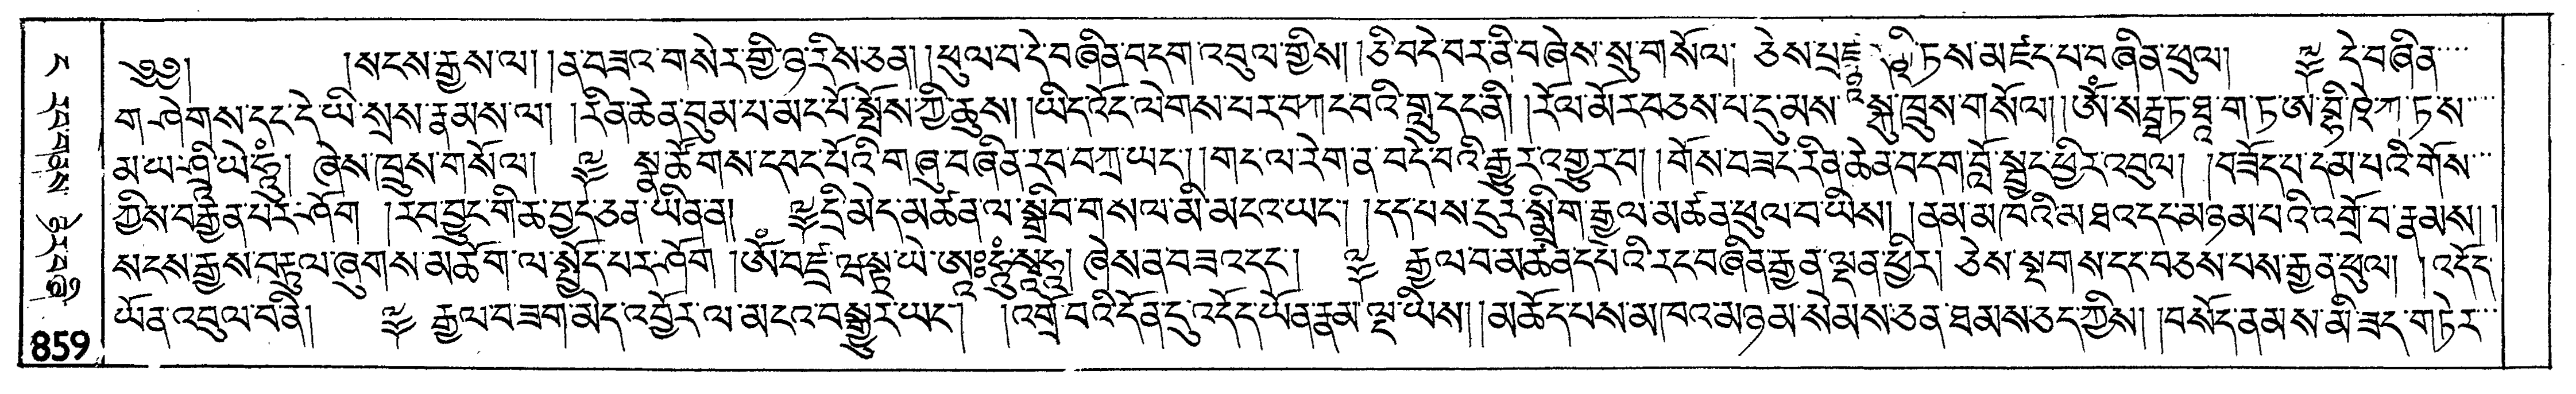༄༅། །སངས་རྒྱས་ལ། །ན་བཟའ་གསེར་གྱི་ཉ་རིས་ཅན། །ཕུལ་བ་དེ་བཞིན་བདག་འབུལ་གྱིས། །ཅི་བདེ་བར་ནི་བཞེས་སུ་གསོལ། ཅེས་པྲཛྙཱ་རཀྵི་ཏས་མཛད་པ་བཞིན་ཕུལ། ༈ དེ་བཞིན་
གཤེགས་དང་དེ་ཡི་སྲས་རྣམས་ལ། །རིན་ཆེན་བུམ་པ་མང་པོ་སྤོས་ཀྱི་ཆུས། །ཡིད་འོང་ལེགས་པར་བཀང་བའི་གླུ་དང་ནི། །རོལ་མོར་བཅས་པ་དུ་མས་སྐུ་ཁྲུས་གསོལ། །ཨོཾ་སརྦྦ་ཏ་ཐཱ་ག་ཏ་ཨ་བྷི་ཥེ་ཀ་ཏ་ས་
མ་ཡ་ཤྲཱི་ཡེ་ཧཱུཾ། ཞེས་ཁྲུས་གསོལ། ༈ སྣ་ཚོགས་དབང་པོའི་གཞུ་བཞིན་རབ་བཀྲ་ཡང་། །གང་ལ་རེག་ན་བདེ་བའི་རྒྱུར་འགྱུར་བ། །གོས་བཟང་རིན་ཆེན་བདག་བློ་སྦྱང་ཕྱིར་འབུལ། །བཟོད་པ་དམ་པའི་གོས་
ཀྱིས་བརྒྱན་པར་ཤོག །རབ་བྱུང་གི་ཆ་བྱད་ཅན་ཡིན་ན། ༈ དྲི་མེད་མཚན་ལ་སྒྲིབ་གསལ་མི་མངའ་ཡང་། །དད་པས་ངུར་སྨྲིག་རྒྱལ་མཚན་ཕུལ་བ་ཡིས། །ནམ་མཁའི་མཐའ་དང་མཉམ་པའི་འགྲོ་བ་རྣམས། །
སངས་རྒྱས་བརྟུལ་ཞུགས་མཆོག་ལ་སྤྱོད་པར་ཤོག །ཨོཾ་བཛྲ་ཝསྟྲ་ཡེ་ཨཱཿ ཧཱུཾ་སྭཱཧཱ། ཞེས་ན་བཟའ་དང་། ༈ རྒྱལ་བ་མཚན་དཔའི་རང་བཞིན་རྒྱན་ལྡན་ཕྱིར། ཅེས་སྔགས་དང་བཅས་པས་རྒྱན་ཕུལ། །འདོད་
ཡོན་འབུལ་བ་ནི། ༈ རྒྱལ་བ་ཟག་མེད་འབྱོར་ལ་མངའ་བསྒྱུར་ཡང་། །འགྲོ་བའི་དོན་དུ་འདོད་ཡོན་རྣམ་ལྔ་ཡིས། །མཆོད་པས་མཁའ་མཉམ་སེམས་ཅན་ཐམས་ཅད་ཀྱིས། །བསོད་ནམས་མི་ཟད་གཏེར་